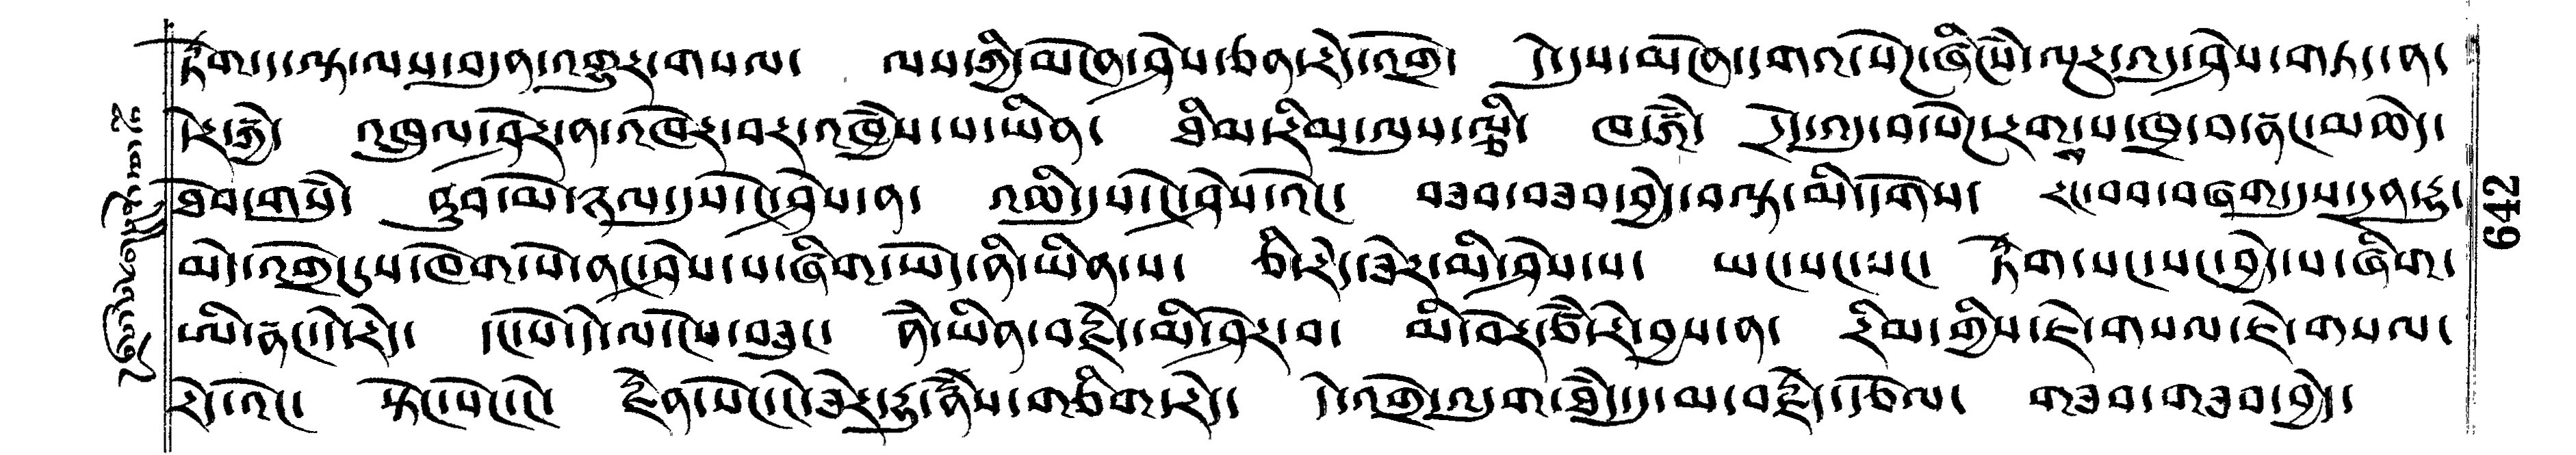རྟོག་ད་ལྟ་ལས་བདུན་འགྱུར་གསལ། ལས་ཀྱི་མངོན་ཤེས་ཅན་རེད་འགྲོ། དེ་དུས་མངོན་དགའ་སོགས་ཞིང་ཁམས་ལྔར་འདུ་ཤེས་གཏད་ན་
དེར་སྐྱེ། འཁྲུལ་ཤོར་ན་འཁོར་བར་འཁྱམས་པ་ཡིན། ཐིམ་རིམ་ལུས་ལྕི། ཁ་སྐམ། དྲོད་འདུ་བ་སོགས་རགས་པ། ཕྲ་བ་སྣང་མཆེད་
ཐོབ་གསུམ། ནུབ་མོ་ཉལ་དུས་ངོ་ཤེས་ན། འཆི་དུས་ངོ་ཤེས་འོང་། བཟབ་བཟབ་བྱེད་ནས་བལྟ་མི་དགོས། རང་བབ་བཞག་དུས་དྲན་རྒྱུ་
མེད་འགྲོ་དུས། ཁོག་པའི་ནང་ཤེས་པ་ཞིག་ཡོད་ནི་ཡིན་པ། ཅི་རེད་ཟེར་མི་ཤེས་པ། ཡང་སང་སང་། ( རྟོག་ ? ) སྟོང་སང་སང་བྱེད་པ་ཞིག་
ཨི་སྣང་། དེ་རེད། དང་པོ་དེ་ལ་ངོས་བཟུང་། ནམ་ཡིན་བརྗེད་མི་ཤོར་བ། མི་བོར་ཙམ་རེ་བྱས་ན། རིམ་གྱིས་ཇེ་གསལ་ཇེ་གསལ་
རེད་འོང་། སྟོང་སང་ངེ་། རྗེ་སང་ངེ་ཟེར་རྒྱུ་རྣམས་གཅིག་རེད།དེ་འགྲོ་འདུག་ཐམས་ཅད་དུ་མ་བརྗེད་ ( རྩོལ།? ) བཅོལ། གཟབ་གཟབ་བྱེད་ནས་